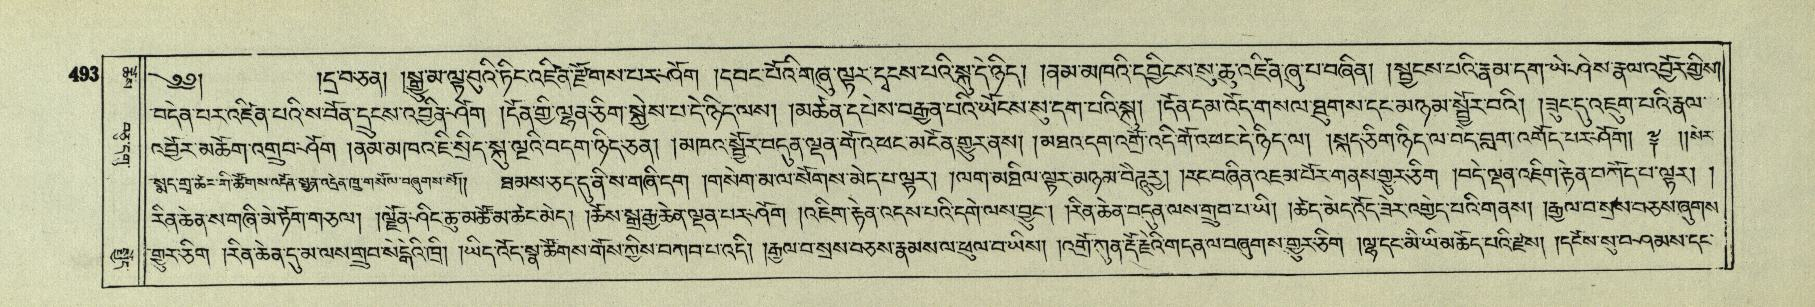༄༅། །དྲ་བ་ཅན། །སྒྱུ་མ་ལྟ་བུའི་ཏིང་འཛིན་རྫོགས་པར་ཤོག །དབང་པོའི་གཞུ་ལྟར་དྭངས་པའི་སྐུ་དེ་ཉིད། །ནམ་མཁའི་དབྱིངས་སུ་ཆུ་འཛིན་ཞུ་པ་བཞིན། །སྦྱངས་པའི་རྣམ་དག་ཡེ་ཤེས་རྣལ་འབྱོར་གྱིས།
བདེན་པར་འཛིན་པའི་ས་བོན་དྲུངས་འབྱིན་ཤོག །དོན་གྱི་ལྷན་ཅིག་སྐྱེས་པ་དེ་ཉིད་ལས། །མཚན་དཔེས་བརྒྱན་པའི་ཡོངས་སུ་དག་པའི་སྐུ། །དོན་དམ་འོད་གསལ་ཐུགས་དང་མཉམ་སྦྱོར་བའི། །ཟུང་དུ་འཇུག་པའི་རྣལ་
འབྱོར་མཆོག་འགྲུབ་ཤོག །ནམ་མཁའ་ཇི་སྲིད་སྐུ་ལྔའི་བདག་ཉིད་ཅན། །མཁའ་སྦྱོར་བདུན་ལྡན་གོ་འཕང་མངོན་གྱུར་ནས། །མཐའ་དག་འགྲོ་འདི་གོ་འཕང་དེ་ཉིད་ལ། །སྐད་ཅིག་ཉིད་ལ་བདེ་བླག་འགོད་པར་ཤོག། འ་།།སེར་
སྨད་གྲྭ་ཚང་གི་ཚོགས་འདོན་སྤྱན་འདྲེན་ཁྲུ་གསོལ་བཞུགས་སོ།།  ཐམས་ཅད་དུ་ནི་ས་གཞི་དག །གསེག་མ་ལ་སོགས་མེད་པ་ལྟར། །ལག་མཐིལ་ལྟར་མཉམ་བཻཌཱུརྱ། །རང་བཞིན་འཇམ་པོར་གནས་གྱུར་ཅིག །བདེ་ལྡན་འཇིག་རྟེན་བཀོད་པ་ལྟར། །
རིན་ཆེན་ས་གཞི་མེ་ཏོག་གཅལ། །ལྗོན་ཤིང་ཆུ་མཚོ་མ་ཚང་མེད། །ཆོས་སྒྲ་རྒྱ་ཆེན་ལྡན་པར་ཤོག །འཇིག་རྟེན་འདས་པའི་དགེ་ལས་བྱུང་། །རིན་ཆེན་བདུན་ལས་གྲུབ་པ་ཡི། །ཚད་མེད་འོད་ཟེར་འགྱེད་པའི་གནས། །རྒྱལ་བ་སྲས་བཅས་ཞུགས་
གྱུར་ཅིག །རིན་ཆེན་དུ་མ་ལས་གྲུབ་སེངྒེའི་ཁྲི། །ཡིད་འོད་སྣ་ཚོགས་གོས་ཀྱིས་བཀབ་པ་འདི། །རྒྱལ་བ་སྲས་བཅས་རྣམས་ལ་ཕུལ་བ་ཡིས། །འགྲོ་ཀུན་རྡོ་རྗེའི་གདན་ལ་བཞུགས་གྱུར་ཅིག །ལྷ་དང་མི་ཡི་མཆོད་པའི་རྫས། །དངོས་སུ་བཤམས་དང་